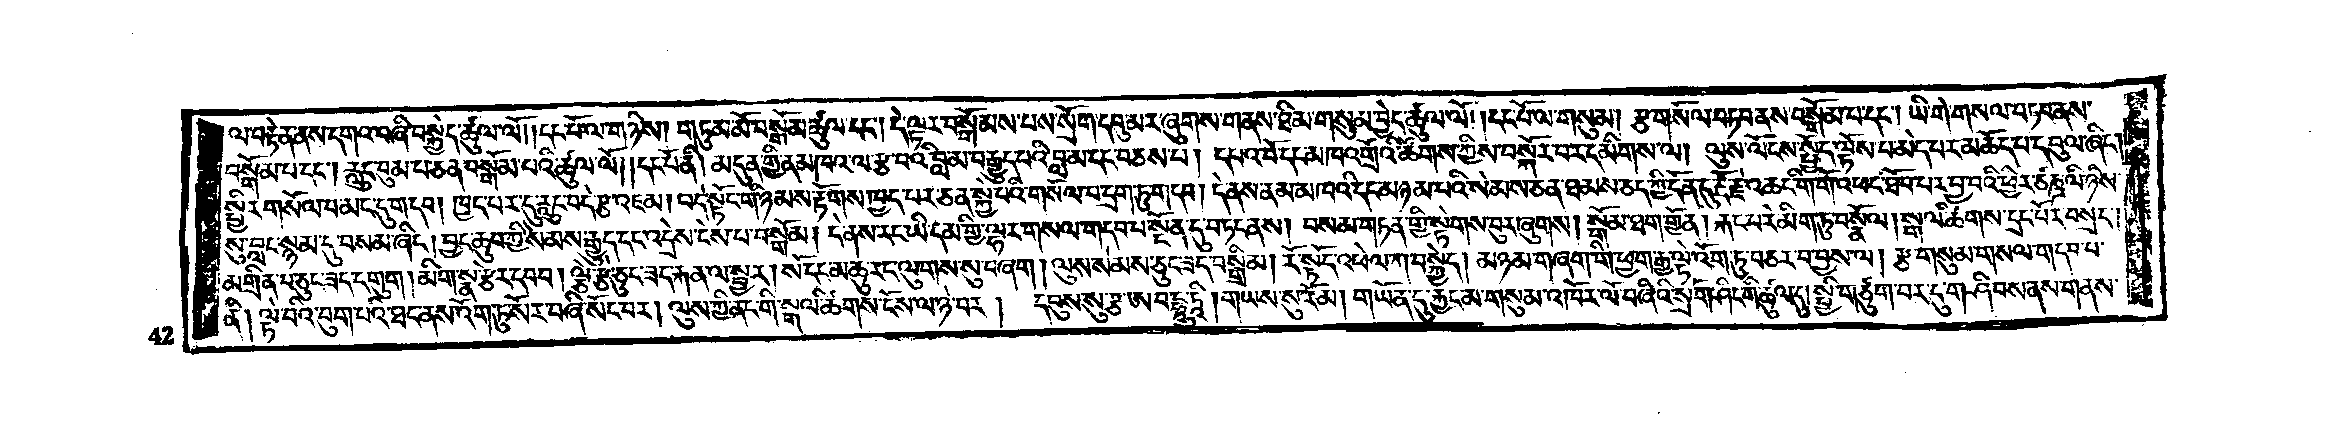ལ་བརྟེན་ནས་དགའ་བཞི་བསྐྱེད་ཚུལ་ལོ། །དང་པོ་ལ་གཉིས། གཏུམ་མོ་བསྒོམ་ཚུལ་དང་། དེ་ལྟར་བསྒོམས་པས་སྲོག་དབུ་མར་ཞུགས་གནས་ཐིམ་གསུམ་བྱེད་ཚུལ་ལོ། །དང་པོ་ལ་གསུམ། རྩ་གསལ་བཏབ་ནས་བསྒོམ་པ་དང་། ཡི་གེ་གསལ་བཏབ་ནས་
བསྒོམ་པ་དང་། རླུང་བུམ་པ་ཅན་བསྒོམ་པའི་ཚུལ་ལོ། །དང་པོ་ནི། མདུན་གྱི་ནམ་མཁའ་ལ་རྩ་བའི་བླ་མ་བརྒྱུད་པའི་བླ་མ་དང་བཅས་པ། དཔའ་བོ་དང་མཁའ་འགྲོའི་ཚོགས་ཀྱིས་བསྐོར་བར་དམིགས་ལ། ལུས་ལོངས་སྤྱོད་ལྟོས་པ་མེད་པར་མཆོད་པ་དབུལ་ཞིང་།
སྤྱིར་གསོལ་བ་མང་དུ་གདབ། ཁྱད་པར་དུ་རླུང་བདེ་རྩ་འཇམ། བདེ་སྟོང་གི་ཉམས་རྟོགས་ཁྱད་པར་ཅན་སྐྱེ་པའི་གསོལ་བ་དྲག་ཏུ་གདབ། དེ་ནས་ནམ་མཁའ་དང་མཉམ་པའི་སེམས་ཅན་ཐམས་ཅད་ཀྱི་དོན་དུ་རྡོ་རྗེ་འཆང་གི་གོ་འཕང་ཐོབ་པར་བྱ་བའི་ཕྱིར་ཙཎྜ་ལི་ཉམས་
སུ་བླང་སྙམ་དུ་བསམ་ཞིང་། བྱང་ཆུབ་ཀྱི་སེམས་རྒྱུད་དང་འདྲེས་ངེས་པ་བསྒོམ། དེ་ནས་རང་ཡི་དམ་གྱི་ལྷར་གསལ་གདབ་པ་སྔོན་དུ་བཏང་ནས། བསམ་གཏན་གྱི་སྟེགས་བུར་ཞུགས། སྒོམ་ཐག་གྱོན། རྐང་པ་རེ་མིག་ཏུ་བསྣོལ། སྒལ་ཚིགས་དྲང་པོར་བསྲང་།
མགྲིན་པ་ཅུང་ཟད་དགུག །མིག་སྣ་རྩེར་དབབ། ལྕེ་རྩ་ཅུང་ཟད་རྐན་ལ་སྦྱར། སོ་དང་མཆུ་རང་ལུགས་སུ་བཞག །ལུས་སེམས་ཅུང་ཟད་བསྒྲིམ། རོ་སྟོད་འཕེལ་ཀ་བསྐྱེད། མཉམ་གཞག་གི་ཕྱག་རྒྱ་ལྟེ་འོག་ཏུ་བཅར་བ་བྱས་ལ། རྩ་གསུམ་གསལ་གདབ་པ་
ནི། ལྟེ་བའི་བུག་པའི་ཐང་ནས་འོག་ཏུ་སོར་བཞི་སོང་བར། ལུས་ཀྱི་ནང་གི་སྒལ་ཚིགས་ངོས་ལ་ཉེ་བར། དབུས་སུ་རྩ་ཨབ་དྷཱུ་ཏཱི། གཡས་སུ་རོ་མ། གཡོན་དུ་རྐྱང་མ་གསུམ་འཁོར་ལོ་བཞིའི་སྲོག་ཤིང་གི་ཚུལ་དུ། སྤྱི་གཙུག་བར་དུ་གཤིབས་ནས་གནས་